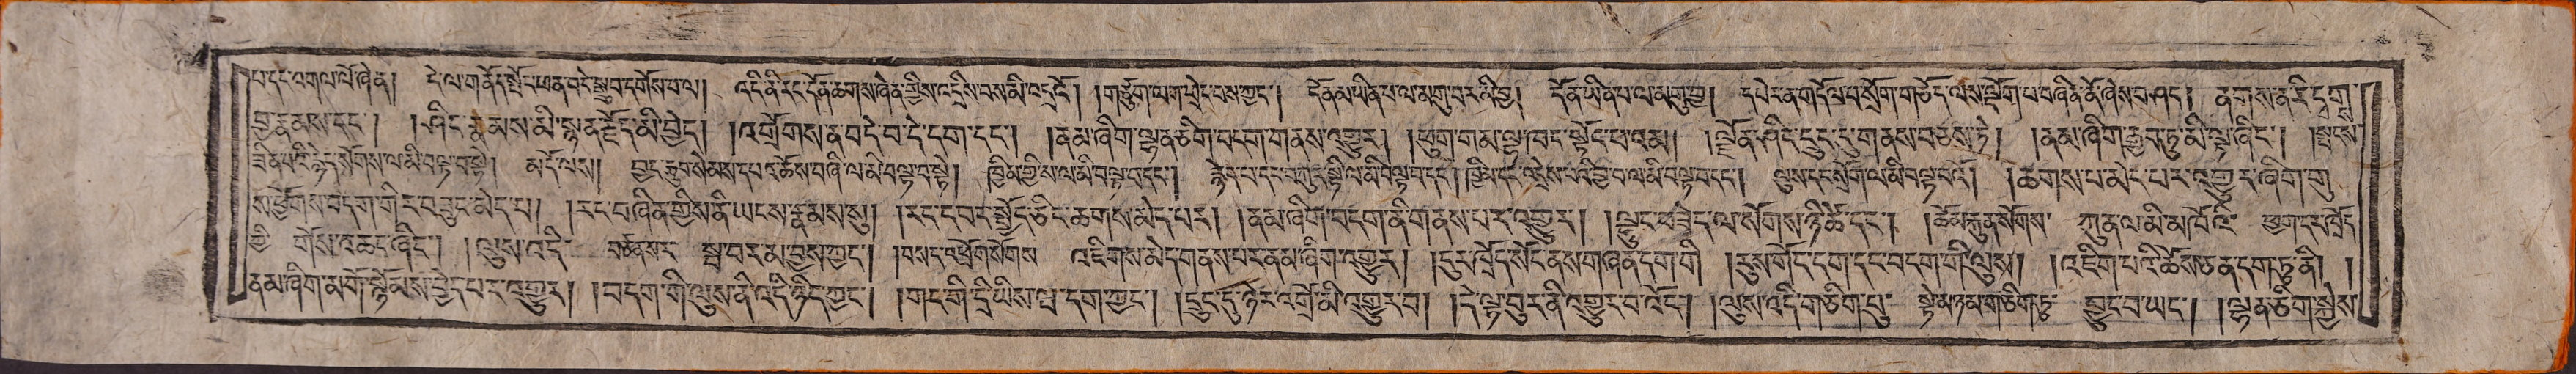པ་དང་འགལ་ལོ་ཞེ་ན། །དེ་ལ་གནོད་སྤོང་ཕན་བདེ་སྒྲུབ་དགོས་པ་ལ། །འདི་ནི་རང་དོན་ཆགས་ཞེན་གྱིས་འདྲིས་བས་མི་འདྲའོ། །གཙུག་ལག་ཕྲེང་བས་ཀྱང་དོན་ནམ་ཡིན་པ་ལ་མགུ་བར་མི་བྱ། དོན་ཡིན་པ་ལ་མགུ་བྱ། དཔེར་ན་གདོལ་པ་སྲོག་གཅོད་ལས་ལྡོག་པ་བཞིན་ནོ་ཞེས་བཤད། ནགས་ན་རི་དྭགས་
བྱ་རྣམས་དང་། །ཤིང་རྣམས་མི་སྙན་རྗོད་མི་བྱེད། །འགྲོགས་ན་བདེ་བ་དེ་དག་དང་། །ནམ་ཞིག་ལྷན་ཅིག་བདག་གནས་གྱུར། །ཕུག་གམ་ལྷ་ཁང་སྟོང་པའམ། །ལྗོན་ཤིང་དྲུག་དུ་གནས་བཅས་ཏེ། །ནམ་ཞིག་རྒྱབ་ཏུ་མི་ལྟ་ཞིང་། །སྤངས་
ཟིན་པའི་རྙེད་སོགས་ལ་མི་བལྟ་བ་སྟེ། མདོ་ལས། བྱང་ཆུབ་སེམས་དཔའ་ཆོས་བཞི་ལ་མི་བལྟ་བ་སྟེ། ཁྱིམ་གྱིས་ལ་མི་བལྟ་བ་དང་། ཉེད་པ་ན་བཀུར་སྟི་ལ་མི་བལྟ་བ་དང་། ཁྱིམ་དང་འདྲེས་པའི་བྱ་བ་ལ་མི་བལྟ་བ་དང་། ལུས་དང་སྲོག་ལ་མི་བལྟ་བའོ། །ཆགས་པ་མེད་པར་འགྱུར་ཞིག་གུ། །
ས་ཕྱོགས་བདག་གིར་བཟུང་མེད་པ། །རང་བཞིན་གྱིས་ནི་ཡངས་རྣམས་སུ། །རང་དབང་སྤྱོད་ཅིང་ཆགས་མེད་པར། །ནམ་ཞིག་བདག་ནི་གནས་པར་འགྱུར། །ལྷུང་བཟེད་ལ་སོགས་ཉི་ཚེ་དང་། །ཆོམ་རྐུན་སོགས་ཀུན་ལ་མི་མཁོའི་ཕྱག་དར་ཁྲོད་
ཀྱི་གོས་འཆང་ཞིང་། །ལུས་འདི་བཙན་སར་སྤ་བར་མ་བྱས་ཀྱང་། །བསད་འཕྲོག་སོགས་འཇིགས་མེད་གནས་པར་ནམ་ཞིག་འགྱུར། །དུར་ཁྲོད་སོང་ནས་གཞན་དག་གི །རུས་གོང་དག་དང་བདག་གི་ལུས། །འཇིག་པའི་ཆོས་ཅན་དག་ཏུ་ནི། །
ནམ་ཞིག་མགོ་སྙོམས་བྱེད་པར་འགྱུར། །བདག་གི་ལུས་ནི་འདི་ཉིད་ཀྱང་། །གང་གི་དྲི་ཡིས་ཝ་དག་ཀྱང་། །དྲུང་དུ་ཉེར་འགྲོ་མི་འགྱུར་བ། །དེ་ལྟ་བུར་ནི་འགྱུར་བ་འོང་། །ལུས་འདི་གཅིག་པུ་སྟེ་མཉམ་གཅིག་ཏུ་བྱུང་བ་ཡང་། །ལྷན་ཅིག་སྐྱེས་